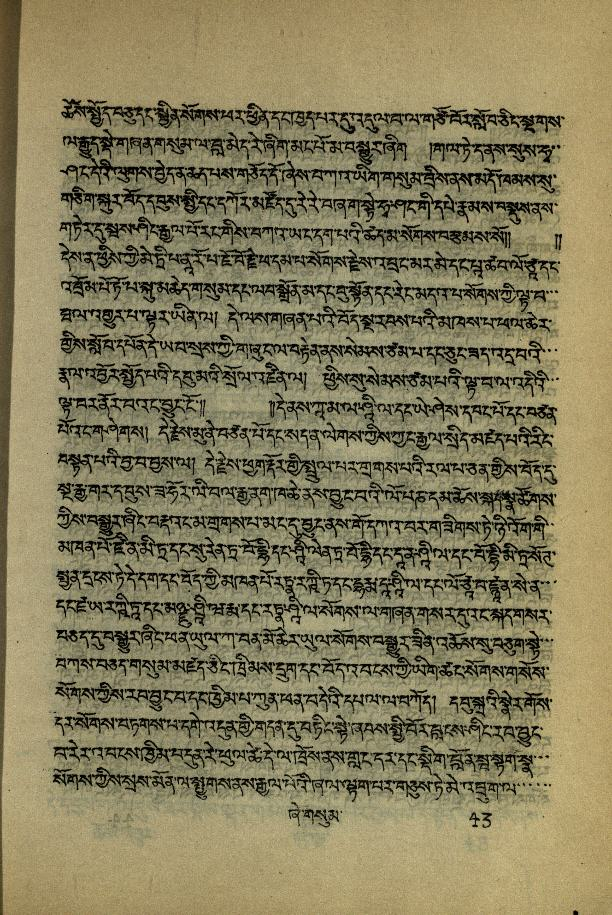ཆོས་སྤྱོད་བཅུ་དང་སྦྱིན་སོགས་ཕར་ཕྱིན་དང་ཁྱད་པར་དུ་འདུལ་བ་ལ་གཙོ་བོར་སློབ་ཅིང་སྔགས་
ལ་རྒྱུད་སྡེ་གཞན་གསུམ་ལ་བླ་མེད་རེ་ཞིག་མང་པོ་མ་བསྒྱུར་ཞིག །གལ་ཏེ་ད་ནས་སུས་ཧཱ་
ཤང་དེའི་ལུགས་བྱེད་ན་ཆད་པས་གཅོད་དོ་ཞེས་བཀའ་ཡིག་གསུམ་བྲིས་ནས་མདོ་ཁམས་སུ་
གཅིག་སྐུར་བོད་དབུས་སྤྱི་དང་དཀོར་མཛོད་དུ་རེ་རེ་བཞག་སྟེ་ཧྭ་ཤང་གི་དཔེ་རྣམས་བསྡུས་ནས་
གཏེར་དུ་སྦས་ཤིང་རྒྱལ་པོ་རང་གིས་བཀའ་ཡང་དག་པའི་ཚད་མ་སོགས་བརྩམས་སོ།། །།
དེས་ན་ཕྱིས་ཀྱི་མེ་ཏྲི་པ་ནཱ་རོ་པ་ཇོ་བོ་རྗེ་ཕ་དམ་པ་སོགས་རྗེས་འབྲང་མར་མེ་དང་པཱ་ཚབ་ལོ་ཙཱ་དང་
འབྲོམ་པོ་ཏོ་པ་སྐུ་མཆེད་གསུམ་དང་ལབ་སྒྲོན་མ་དང་བུ་སྟོན་དང་རེང་མདའ་པ་སོགས་ཀྱི་ལྟ་བ་
ཐལ་འགྱུར་པ་ལྟར་ཡིན་ལ། དེ་ལས་གཞན་པའི་བོད་སྔ་རབས་པའི་མཁས་པ་ཕལ་ཆེར་
གྱིས་སློབ་དཔོན་དེ་ཡབ་སྲས་ཀྱི་གཞུང་ལ་བརྟེན་ནས་སེམས་ཙམ་པ་དང་ཅུང་ཟད་འདྲ་བའི་
རྣལ་འབྱོར་སྤྱོད་པའི་དབུ་མའི་སྲོལ་འཛིན་ལ། ཕྱིས་སུ་སེམས་ཙམ་པའི་ལྟ་བ་ལ་འདིའི་
ལྟ་བར་ནོར་བའང་བྱུང་ངོ།། །།དེ་ནས་ཀཱ་མ་ལ་ཤཱི་ལ་དང་ཡེ་ཤེས་དབང་པོ་དང་བཙན་
པོའང་གཤེགས། དེ་རྗེས་མུ་ནེ་བཙན་པོ་དང་སད་ན་ལེགས་ཀྱིས་ཀྱང་རྒྱལ་སྲིད་མཛད་པའི་རིང་
བསྟན་པའི་བྱ་བ་བྱས་ལ། དེ་རྗེས་ཕྱག་རྡོར་གྱི་སྤྲུལ་པར་གྲགས་པའི་རལ་པ་ཅན་གྱིས་བོད་དུ་
སྔ་རྒྱ་གར་དབུས་ཟ་ཧོར་ལི་བལ་རྒྱ་ནག་ཁ་ཆེ་ནས་བྱུང་བའི་ལོ་པཎ་དམ་ཆོས་སྐད་སྣ་ཚོགས་
ཀྱིས་བསྒྱུར་ཞིང་བརྡའང་མ་གྲགས་པ་མང་དུ་བྱུང་ནས་གོ་དཀའ་བར་གཟིགས་ཏེ་ཉི་འོག་གི་
མཁན་པོ་ཛི་ན་མི་ཏྲ་དང་སུ་རེན་ཏྲ་བོ་དྷི་དང་ཤཱི་ལེན་ཏྲ་བོ་དྷི་དང་དཱ་ན་ཤཱི་ལ་དང་བོ་དྷི་མི་ཏྲ་སོཊ་
སྤྱན་དྲངས་ཏེ་དེ་དག་དང་བོད་ཀྱི་མཁན་པོ་རཏྣ་རཀྵི་ཏ་དང་དྷརྨ་དཱ་ཤཱི་ལ་དང་ལོ་ཙཱ་བ་ཛྙཱ་ནས་སེ་ན་
དང་ཛ་ཡ་རཀྵི་ཏཱ་དང་མཉྫུ་ཤྲཱི་ཝརྨ་དང་རཏྣ་ཤཱི་ལ་སོགས་ལ་གཞན་གསར་དུའང་སྐད་གསར་
བཅད་དུ་བསྒྱུར་ཞིང་ཕན་ཡུལ་ཀ་བན་མོ་ཆེར་ཡུལ་སོགས་བསྒྱུར་ཟིན་འཆོས་སུ་བཅུག་སྟེ་
བཀས་བཅད་གསུམ་མཛད་ཅིང་ཁྲིམས་དྲུག་དང་བོད་འབངས་ཀྱི་ཡིག་ཚང་སོགས་གསོས་
སོགས་ཀྱིས་རབ་བྱུང་བ་དང་ཁྱིམ་པ་ཀུན་ཕན་བདེའི་དཔལ་ལ་བཀོད། དབུ་སྐྲའི་སྣེར་གོས་
དར་སོགས་བཏགས་པ་དགེ་འདུན་གྱི་གདན་དུ་བཏིང་སྟེ་ཞབས་སྤྱི་བོར་བླངས་ཤིང་རབ་བྱུང་
བ་རེར་འབངས་ཁྱིམ་པ་དུན་རེ་ཕུལ་ཚེ་དེ་ལ་ཁྲོས་ནས་གླང་དར་དང་སྡིག་བློན་སྦ་སྟག་སྣ་
སོགས་ཀྱིས་སྲས་མོན་ལ་སྦྱུགས་ནས་རྒྱལ་པོའི་ཞལ་ལྟག་པར་གཅུས་ཏེ་མེ་འབྲུག་ལ་